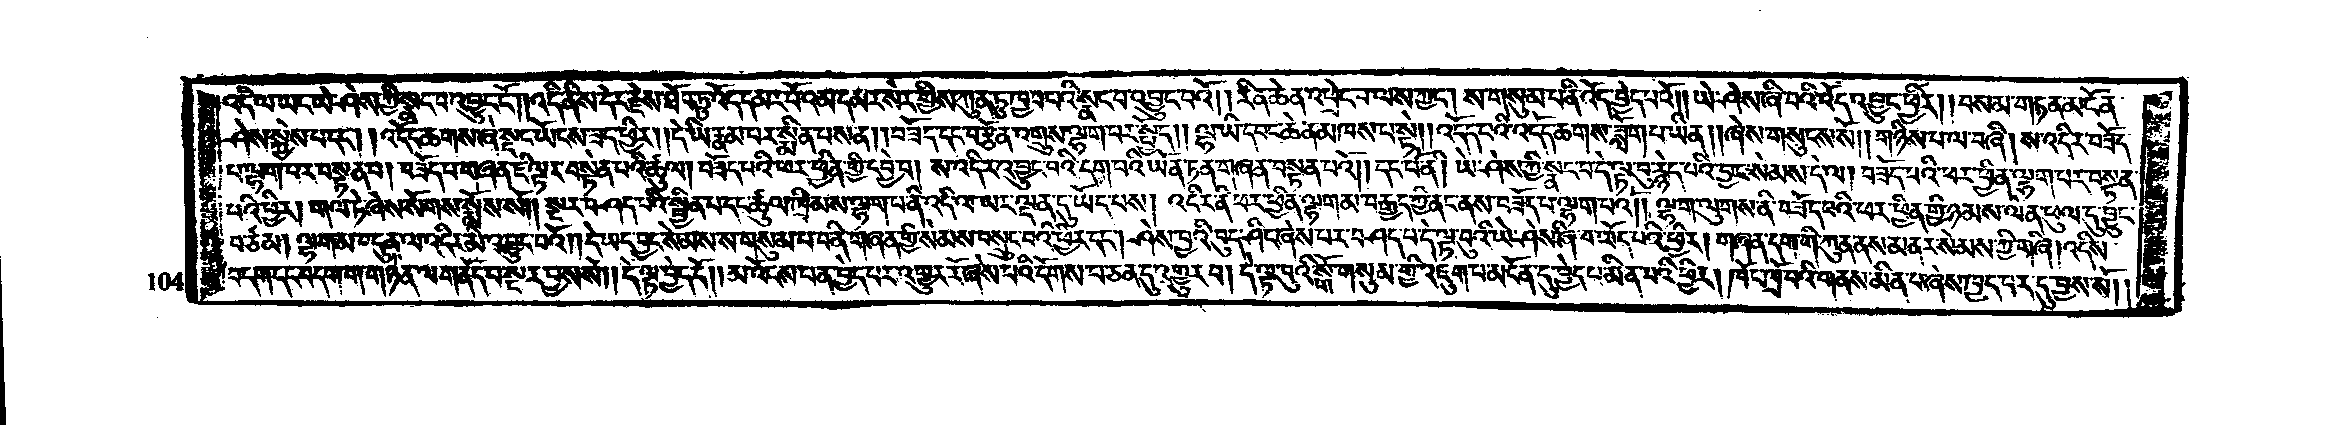འདི་ལ་ཡང་ཡེ་ཤེས་ཀྱི་སྣང་བ་འབྱུང་ངོ། །འདི་ནི་ས་དེར་རྗེས་ཐོབ་ཏུ་འོད་དམར་པོ་འམ་དམར་སེར་གྱིས་ཀུན་ཏུ་ཁྱབ་པའི་སྣང་བ་འབྱུང་བའོ། །རིན་ཆེན་འཕྲེང་བ་ལས་ཀྱང་། ས་གསུམ་པ་ནི་འོད་བྱད་པའོ། །ཡེ་ཤེས་ཞི་བའི་འོད་འབྱུང་ཕྱིར། །བསམ་གཏན་མངོན་
ཤེས་སྐྱེས་པ་དང་། །འདོད་ཆགས་ཞེ་སྡང་ཡོངས་ཟད་ཕྱིར། །དེ་ཡི་རྣམ་པར་སྨིན་པས་ན། །བཟོད་དང་བརྩོན་འགྲུས་ལྷག་པར་སྤྱོད། །ལྷ་ཡི་དབང་ཆེན་མཁས་པ་སྟེ། །འདོད་པའི་འདོད་ཆགས་ཟློག་པ་ཡིན། །ཞེས་གསུངས་སོ། །གཉིས་པ་ལ་བཞི། ས་འདིར་བཟོད་
པ་ལྷག་པར་བསྟན་པ། བཟོད་པ་གཞན་ཇི་ལྟར་བསྟེན་པའི་ཚུལ། བཟོད་པའི་ཕར་ཕྱིན་གྱི་དབྱེ་བ། ས་འདིར་འབྱུང་བའི་དག་པའི་ཡོན་ཏན་གཞན་བསྟན་པའོ། །དང་པོ་ནི། ཡེ་ཤེས་ཀྱི་སྣང་བ་དེ་ལྟ་བུ་རྙེད་པའི་བྱང་སེམས་དེ་ལ། བཟོད་པའི་ཕར་ཕྱིན་ལྷག་པར་བསྟན་
པའི་ཕྱིར། གལ་ཏེ་ཞེས་སོགས་སྨོས་སོ། །སྔར་བཤད་པའི་སྦྱིན་པ་དང་ཚུལ་ཁྲིམས་ལྷག་པ་ནི་འདི་ལ་ཡར་ལྡན་དུ་ཡོད་པས། འདིར་ནི་ཕར་ཕྱིན་ལྷག་མ་བརྒྱད་ཀྱི་ནང་ནས་བཟོད་པ་ལྷག་པའོ། །ལྷག་ལུགས་ནི་བཟོད་པའི་ཕར་ཕྱིན་གྱི་ཉམས་ལེན་ཕུལ་དུ་བྱུང་
བ་ཙམ། ལྷག་མ་བདུན་ལ་འདིར་མི་འབྱུང་བའོ། །དེ་ཡང་བྱང་སེམས་ས་གསུམ་པ་བ་ནི་གཞན་གྱི་སེམས་བསྲུང་བའི་ཕྱིར་དང་། ཤེས་བྱའི་བུད་ཤིང་ཞེས་པར་བཤད་པ་དེ་ལྟ་བུའི་ཡེ་ཤེས་ཞི་བ་ཡོད་པའི་ཕྱིར། གཞན་དག་གི་ཀུན་ནས་མནར་སེམས་ཀྱི་གཞི། འདིས་
བདག་དང་བདག་གི་གཉེན་ལ་གནོད་པ་སྔར་བྱས་སོ། །དེ་ལྟ་བྱེད་དོ། །མ་འོངས་པ་ན་བྱེད་པར་འགྱུར་རོ་ཞེས་པའི་དོགས་པ་ཅན་དུ་འགྱུར་བ། དེ་ལྟ་བུའི་སྒོ་གསུམ་གྱི་འཇུག་པ་མངོན་དུ་བྱེད་པ་མིན་པའི་ཕྱིར། ཁོང་ཁྲོ་བའི་གནས་མིན་པ་ཞེས་ཁྱད་པར་དུ་བྱས་སོ། །